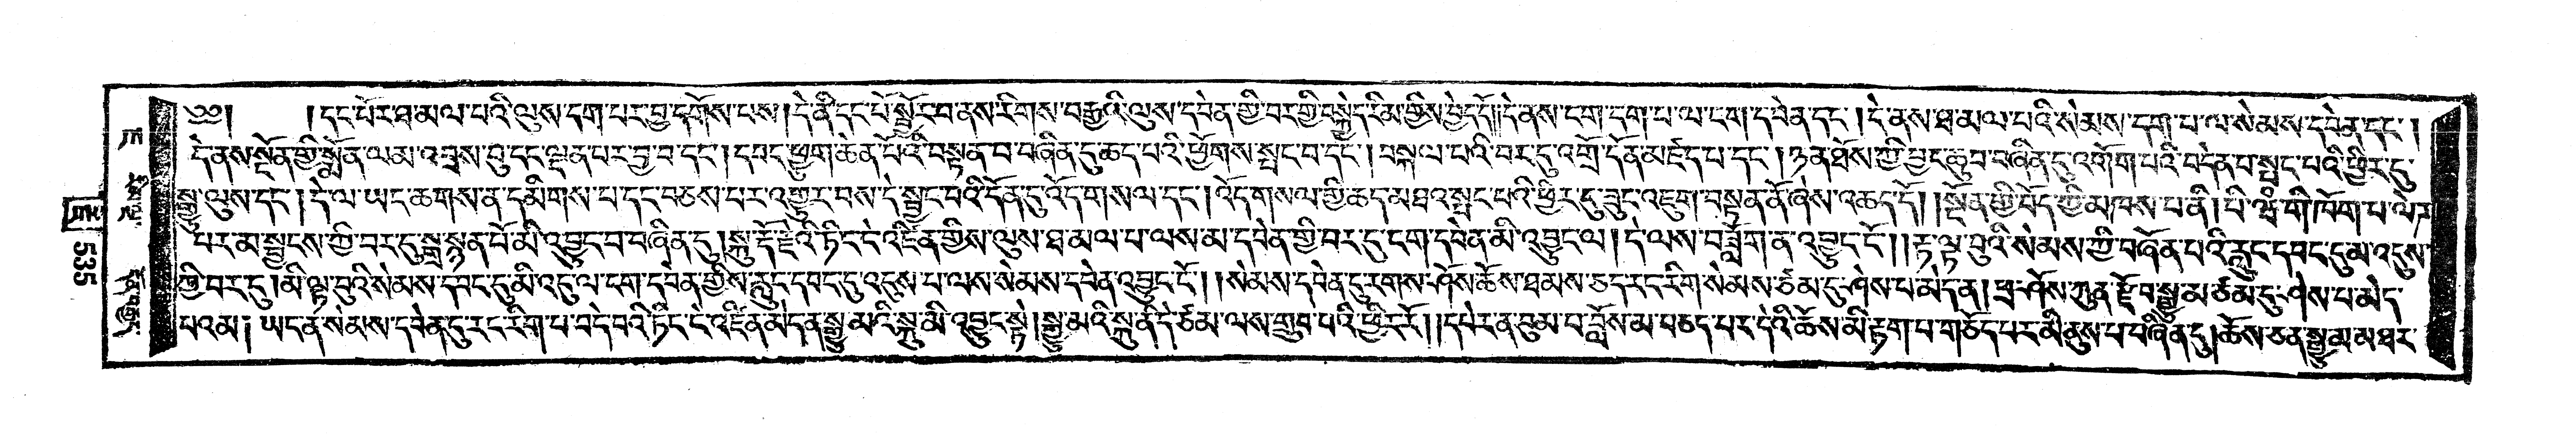༄༅། །དང་པོར་ཐ་མལ་པའི་ལུས་དག་པར་བྱ་དགོས་པས། དེ་ནི་དང་པོ་སྦྱོར་བ་ནས་རིགས་བརྒྱའི་ལུས་དབེན་གྱི་བར་གྱི་བསྐྱེད་རིམ་གྱིས་བྱེད་དོ། །དེ་ནས་ངག་དག་པ་ལ་ངག་དབེན་དང་། དེ་ནས་ཐ་མལ་པའི་སེམས་དག་པ་ལ་སེམས་དབེན་དང་།
དེ་ནས་སྔོན་གྱི་སྨོན་ལམ་འབྲས་བུ་དང་ལྡན་པར་བྱ་བ་དང་། དབང་ཕྱུག་ཆེན་པོའི་བསྟན་པ་བཞིན་དུ་ཆད་པའི་ཕྱོགས་སྤང་བ་དང་། བསྐལ་པའི་བར་དུ་འགྲོ་དོན་མཛད་པ་དང་། ཉན་ཐོས་ཀྱི་བྱང་ཆུབ་བཞིན་དུ་འགོག་པའི་བདེན་པ་སྤང་པའི་ཕྱིར་དུ་
སྒྱུ་ལུས་དང་། དེ་ལ་ཡང་ཆགས་ན་དམིགས་པ་དང་བཅས་པར་འགྱུར་བས་དེ་སྦྱང་བའི་དོན་དུ་འོད་གསལ་དང་། འོད་གསལ་གྱི་ཆད་མཐའ་སྤང་བའི་ཕྱིར་དུ་ཟུང་འཇུག་བསྟན་ནོ་ཞེས་འཆད་དོ། །སྔོན་གྱི་བོད་ཀྱི་མཁས་པ་ནི། པི་ཝཾ་གི་ཁོག་པ་ལེགས་
པར་མ་སྦྱངས་ཀྱི་བར་དུ་སྒྲ་སྙན་པོ་མི་འབྱུང་བ་བཞིན་དུ། སྐུ་རྡོ་རྗེའི་ཏིང་ངེ་འཛིན་གྱིས་ལུས་ཐ་མལ་པ་ལས་མ་དབེན་གྱི་བར་དུ་ངག་དབེན་མི་འབྱུང་ལ། དེ་ལས་བཟློག་ན་འབྱུང་ངོ། །རྟ་ལྟ་བུའི་སེམས་ཀྱི་བཞོན་པའི་རླུང་དབང་དུ་མ་འདུས་
ཀྱི་བར་དུ། མི་ལྟ་བུའི་སེམས་དབང་དུ་མི་འདུལ་ངག་དབེན་གྱིས་རླུང་དབང་དུ་འདུས་པ་ལས་སེམས་དབེན་འབྱུང་ངོ། །སེམས་དབེན་དུ་རགས་ཤོས་ཆོས་ཐམས་ཅད་རང་རིག་སེམས་ཙམ་དུ་ཤེས་པ་མེད་ན། ཕྲ་ཤོས་ཀུན་རྫོབ་སྒྱུ་མ་ཙམ་དུ་ཤེས་པ་མེད་
པའམ། ཡང་ན་སེམས་དབེན་དུ་རང་རིག་པ་བདེ་བའི་ཏིང་ངེ་འཛིན་མེད་ན་སྒྱུ་མའི་སྐུ་མི་འབྱུང་སྟེ། སྒྱུ་མའི་སྐུ་ནི་དེ་ཙམ་ལས་གྲུབ་པའི་ཕྱིར་རོ། །དཔེར་ན་བུམ་པ་བློས་མ་བཅད་པར་དེའི་ཆོས་མི་རྟག་པ་གཅོད་པར་མི་ནུས་པ་བཞིན་དུ། ཆོས་ཅན་སྒྱུ་མ་མཐར་